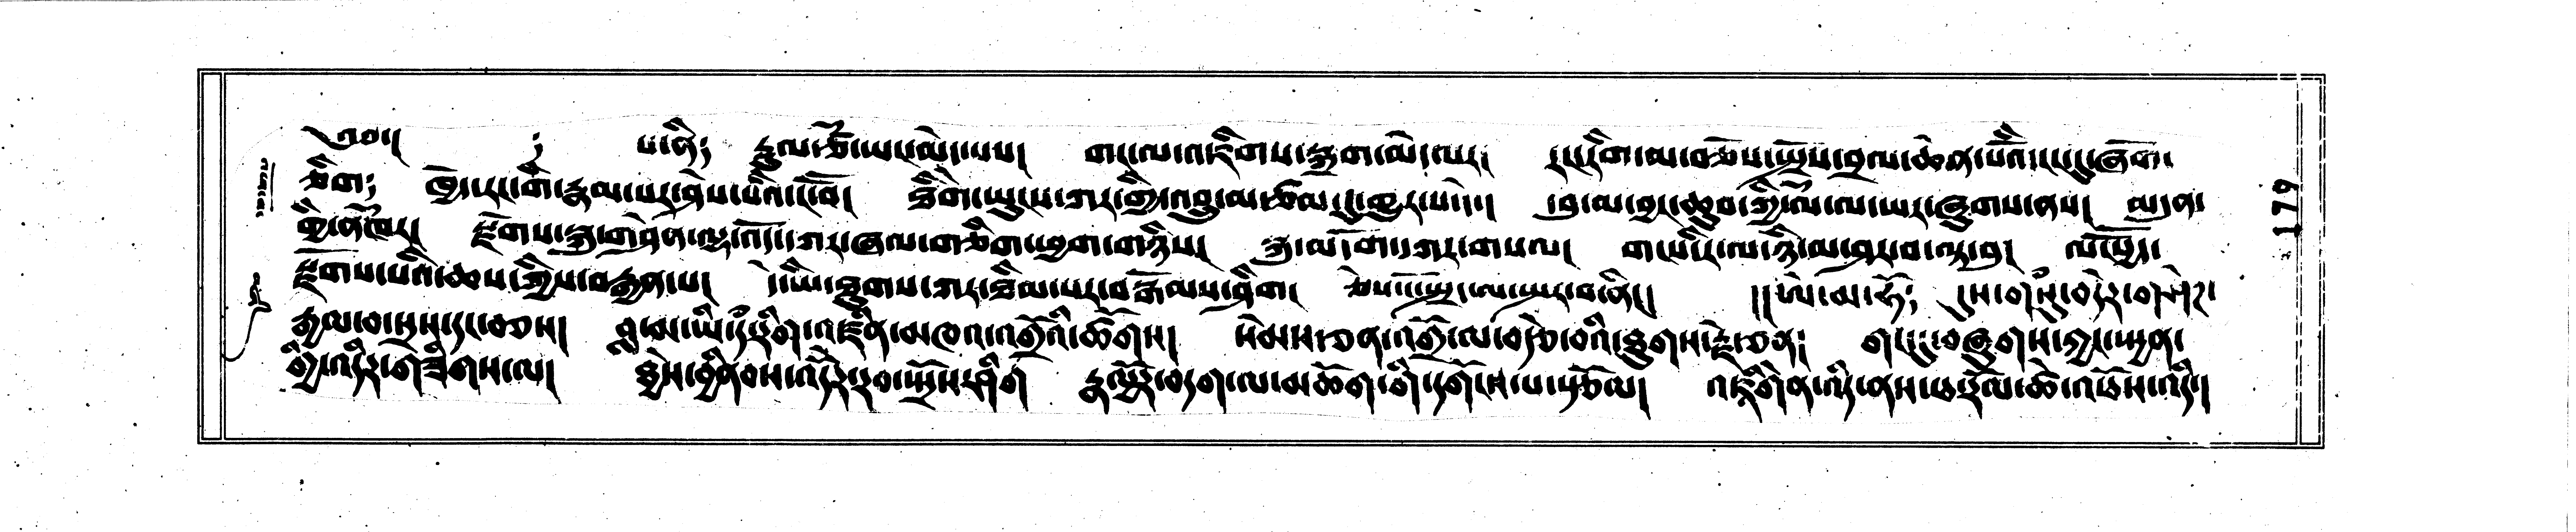པ་ནི། རྡུལ་ཙམ་ཡང་མེད་པས། གང་ལ་འཇིགས་སྐྲག་མེད་པར། རང་རིག་མ་བཅོས་སྤྲོས་བྲལ་ཆེན་པོའི་ངང་དུ་ཞོག་
ཅིག ཁྱོད་རང་གི་རྣམ་པར་ཤེས་པའི་ངོ་བོ། ཐིག་ལེ་ཡུངས་ཀར་གྱི་འབྲུ་མ་ཙམ་དུ་གྱུར་པ་དེ། དབུ་མ་བྱང་ཆུབ་ཀྱི་ལམ་ལ་ཡར་ཞུགས་ནས། མདུན་
གྱི་ནམ་མཁར། རྫོགས་སྐུ་གཤེན་ལྷ་འོད་དཀར་ཞལ་གཅིག་ཕྱག་གཉིས། སྐུ་མདོག་དཀར་གསལ། གངས་རི་ལ་ཉི་མ་ཤར་བ་ལྟ་བུ། ལོངས་སྤྱོད་
རྫོགས་པའི་ཆས་ཀྱིས་བརྒྱན་པ། དེ་ཡི་ཐུགས་ཀར་ཐིམ་པར་བསྒོམས་ཤིག། །།ཅེས་ངོ་སྤྲོད་ཨ་སྤར་བ་ནི། ཨེ་མ་ཧོ། དུས་གསུམ་བདེར་གཤེགས་
རྒྱལ་བ་སྲས་དང་བཅས། །བླ་མ་ཡི་དམ་རིག་འཛིན་མཁའ་འགྲོའི་ཚོགས། །སེམས་ཅན་འགྲོ་ལ་བརྩེ་བའི་ཐུགས་རྗེ་ཅན། །གང་དུ་བཞུགས་ཀྱང་སྤྱན་
གྱིས་འདིར་གཟིགས་ལ། །ཐུགས་རྗེ་བྱིན་རླབས་འོད་ཟེར་རབ་སྤྲོས་ཤིག །རྣལ་འབྱོར་བདག་ལ་མཆོག་གི་དགོངས་པ་སྩོལ། །འཇིག་རྟེན་འདི་ནས་ཕ་རོལ་ཚེ་འཕོས་འདི། །